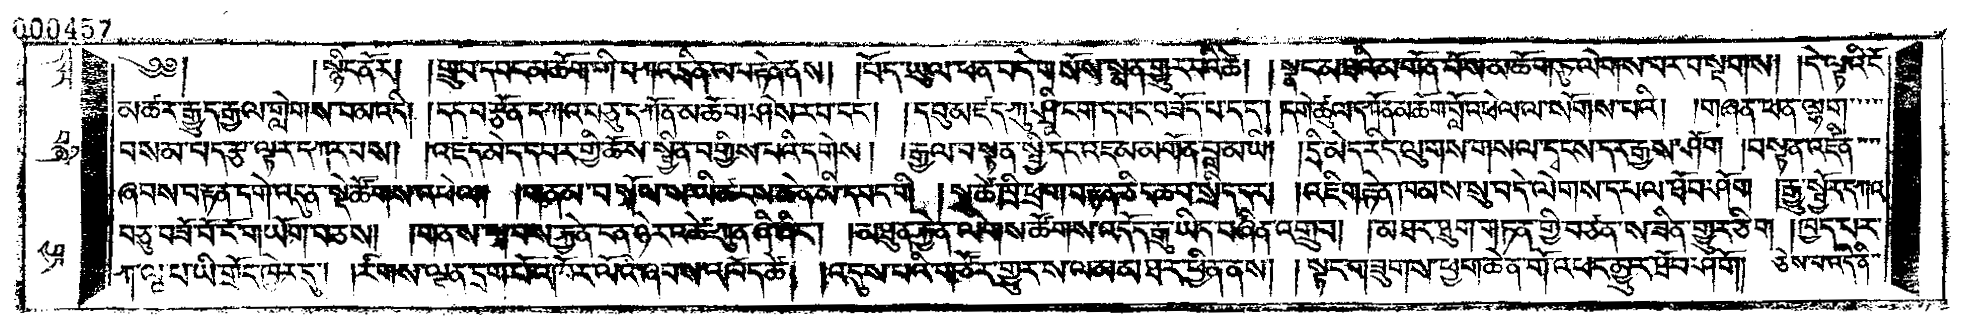༄༅། །སྙིང་ནོར། །གྲུབ་དབང་མཆོག་གི་བཀའ་དྲིན་ལ་བརྟེན་ནས། །བོད་ཡུལ་ཕན་བདེ་གསོས་སྨན་གྱུར་བའི་ཚེ། །སྣང་མཐའི་མགོན་པོས་མཆོག་ཏུ་ལེགས་པར་བསྔགས། །དེ་ལྟའི་ངོ་
མཚར་རྒྱུད་རྒྱལ་གླེགས་བམ་འདི། །དད་བརྩོན་དཀའ་བཅུ་དཀོན་མཆོག་ཤེས་རབ་དང་། །དབུ་མཛད་ཀུ་ཤྲཱི་ངག་དབང་བཟོད་པ་དང་། །དགེ་ཚུལ་དཀོན་མཆོག་བློ་འཕེལ་ལ་སོགས་པའི། །གཞན་ཕན་ལྷག་
བསམ་པད་རྩ་ལྟར་དཀར་པས། །འཛད་མེད་དཔར་གྱི་ཆོས་སྦྱིན་བགྱིས་པའི་དགེས། །རྒྱལ་བསྟན་སྤྱི་དང་འཇམ་མགོན་བླ་མ་ཡི། །དྲི་མེད་རིང་ལུགས་གསལ་དྭངས་དར་རྒྱས་ཤོག །བསྟན་འཛིན་
ཞབས་བརྟན་དགེ་འདུན་སྡེ་ཚོགས་འཕེལ། །གནམ་བསྐོས་ས་ཡི་ཚངས་ཆེན་མི་དབང་གི །སྐུ་ཚེ་ཁྲི་ཕྲག་བརྟན་ཅིང་ཆབ་སྲིད་དར། །འཇིག་རྟེན་ཁམས་སུ་བདེ་ལེགས་དཔལ་ཐོབ་ཤོག །རྒྱུར་སྦྱོར་དཀའ་
བཅུ་བཟོ་བོ་ངོ་གཡོག་བཅས། །གནས་སྐབས་རྐྱེན་ངན་ཉེར་འཚེ་ཀུན་ཞི་ཞིང་། །མཐུན་རྐྱེན་ལེགས་ཚོགས་འདོད་རྒུ་ཡིད་བཞིན་འགྲུབ། །མཐར་ཐུག་གཏན་གྱི་བཙན་ས་ཟིན་གྱུར་ཅིག །ཁྱད་པར་
ཀ་ལཱ་པ་ཡི་གྲོང་ཁྱེར་དུ། །རིགས་ལྡན་དྲག་པོ་འཁོར་ལོའི་ཞབས་འཁོད་ཚེ། །འདུས་པའི་གཙོར་གྱུར་ས་ལམ་མཐར་ཕྱིན་ནས། །སྟང་གཟུགས་ཕྱག་ཆེན་གོ་འཕང་མྱུར་ཐོབ་ཤོག །ཅེས་པ་འདི་ནི་